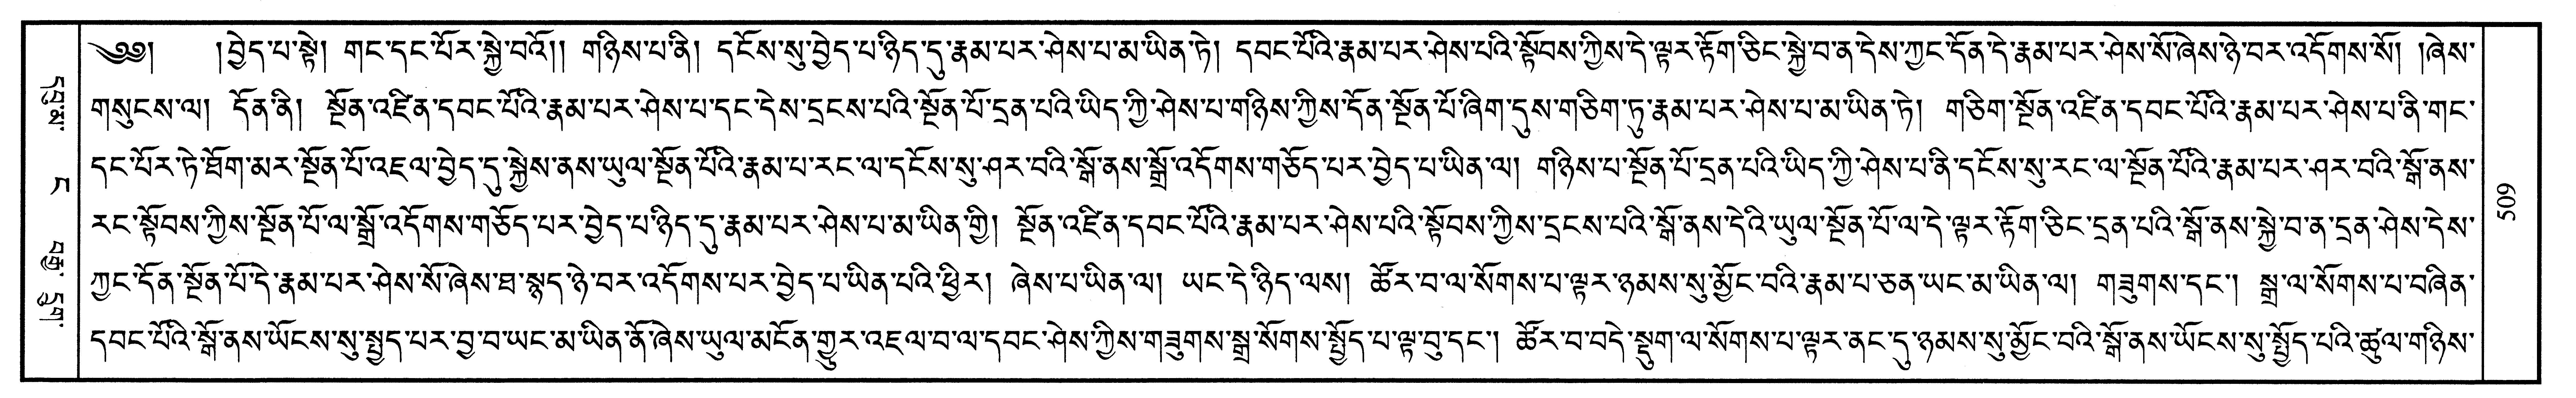༄༅། །བྱེད་པ་སྟེ། གང་དང་པོར་སྐྱེ་བའོ།། གཉིས་པ་ནི། དངོས་སུ་བྱེད་པ་ཉིད་དུ་རྣམ་པར་ཤེས་པ་མ་ཡིན་ཏེ། དབང་པོའི་རྣམ་པར་ཤེས་པའི་སྟོབས་ཀྱིས་དེ་ལྟར་རྟོག་ཅིང་སྐྱེ་བ་ན་དེས་ཀྱང་དོན་དེ་རྣམ་པར་ཤེས་སོ་ཞེས་ཉེ་བར་འདོགས་སོ། །ཞེས་
གསུངས་ལ། དོན་ནི། སྔོན་འཛིན་དབང་པོའི་རྣམ་པར་ཤེས་པ་དང་དེས་དྲངས་པའི་སྔོན་པོ་དྲན་པའི་ཡིད་ཀྱི་ཤེས་པ་གཉིས་ཀྱིས་དོན་སྔོན་པོ་ཞིག་དུས་གཅིག་ཏུ་རྣམ་པར་ཤེས་པ་མ་ཡིན་ཏེ། གཅིག་སྔོན་འཛིན་དབང་པོའི་རྣམ་པར་ཤེས་པ་ནི་གང་
དང་པོར་ཏེ་ཐོག་མར་སྔོན་པོ་འཇལ་བྱེད་དུ་སྐྱེས་ནས་ཡུལ་སྔོན་པོའི་རྣམ་པ་རང་ལ་དངོས་སུ་ཤར་བའི་སྒོ་ནས་སྒྲོ་འདོགས་གཅོད་པར་བྱེད་པ་ཡིན་ལ། གཉིས་པ་སྔོན་པོ་དྲན་པའི་ཡིད་ཀྱི་ཤེས་པ་ནི་དངོས་སུ་རང་ལ་སྔོན་པོའི་རྣམ་པར་ཤར་བའི་སྒོ་ནས་
རང་སྟོབས་ཀྱིས་སྔོན་པོ་ལ་སྒྲོ་འདོགས་གཅོད་པར་བྱེད་པ་ཉིད་དུ་རྣམ་པར་ཤེས་པ་མ་ཡིན་གྱི། སྔོན་འཛིན་དབང་པོའི་རྣམ་པར་ཤེས་པའི་སྟོབས་ཀྱིས་དྲངས་པའི་སྒོ་ནས་དེའི་ཡུལ་སྔོན་པོ་ལ་དེ་ལྟར་རྟོག་ཅིང་དྲན་པའི་སྒོ་ནས་སྐྱེ་བ་ན་དྲན་ཤེས་དེས་
ཀྱང་དོན་སྔོན་པོ་དེ་རྣམ་པར་ཤེས་སོ་ཞེས་ཐ་སྙད་ཉེ་བར་འདོགས་པར་བྱེད་པ་ཡིན་པའི་ཕྱིར། ཞེས་པ་ཡིན་ལ། ཡང་དེ་ཉིད་ལས། ཚོར་བ་ལ་སོགས་པ་ལྟར་ཉམས་སུ་མྱོང་བའི་རྣམ་པ་ཅན་ཡང་མ་ཡིན་ལ། གཟུགས་དང་། སྒྲ་ལ་སོགས་པ་བཞིན་
དབང་པོའི་སྒོ་ནས་ཡོངས་སུ་སྤྱད་པར་བྱ་བ་ཡང་མ་ཡིན་ནོ་ཞེས་ཡུལ་མངོན་གྱུར་འཇལ་བ་ལ་དབང་ཤེས་ཀྱིས་གཟུགས་སྒྲ་སོགས་སྤྱོད་པ་ལྟ་བུ་དང་། ཚོར་བ་བདེ་སྡུག་ལ་སོགས་པ་ལྟར་ནང་དུ་ཉམས་སུ་མྱོང་བའི་སྒོ་ནས་ཡོངས་སུ་སྤྱོད་པའི་ཚུལ་གཉིས་